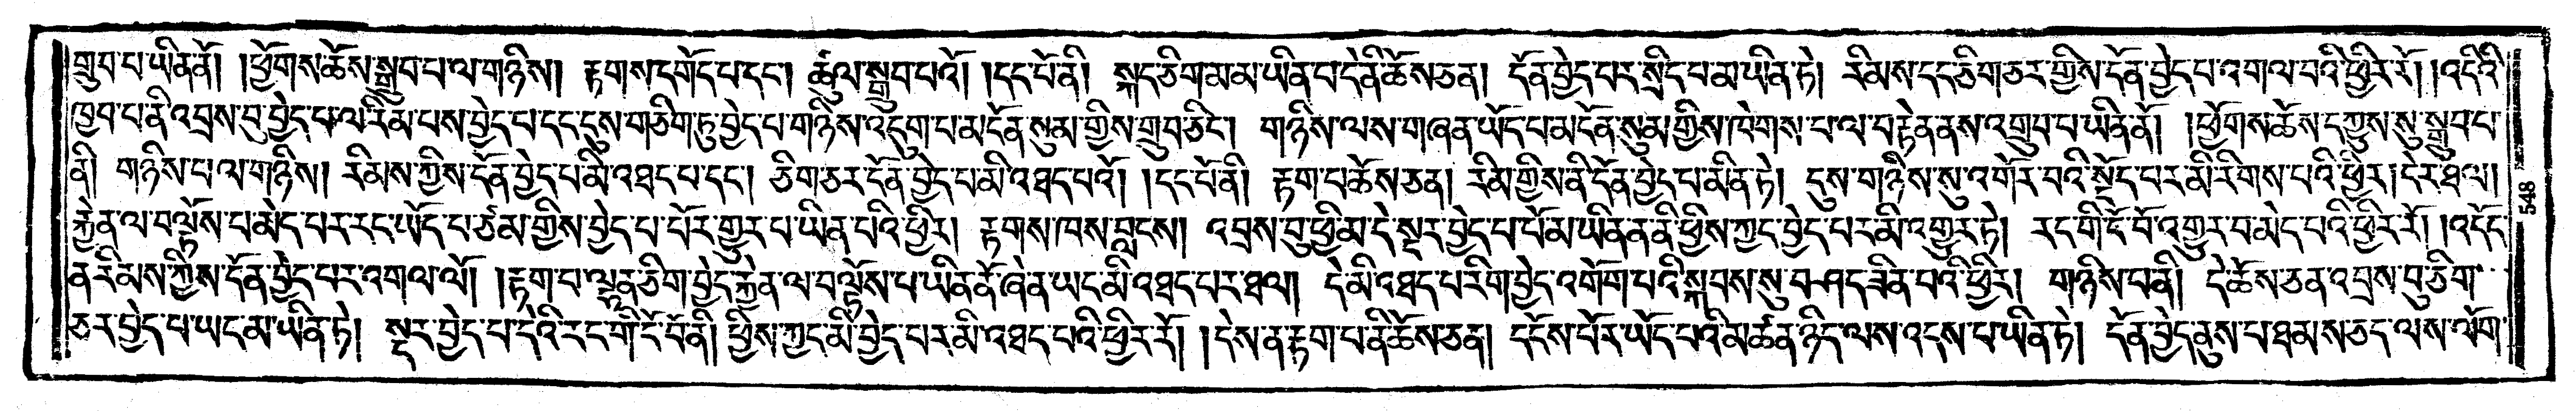གྲུབ་པ་ཡིན་ནོ། །ཕྱོགས་ཆོས་སྒྲུབ་པ་ལ་གཉིས། རྟགས་དགོད་པ་དང་། ཚུལ་སྒྲུབ་པའོ། །དང་པོ་ནི། སྐད་ཅིག་མ་མ་ཡིན་པ་དེ་ནི་ཆོས་ཅན། དོན་བྱེད་པར་སྲིད་པ་མ་ཡིན་ཏེ། རིམས་དང་ཅིག་ཅར་གྱིས་དོན་བྱེད་པ་འགལ་བའི་ཕྱིར་རོ། །འདིའི་
ཁྱབ་པ་ནི་འབྲས་བུ་བྱེད་པ་ལ་རིམ་པས་བྱེད་པ་དང་དུས་གཅིག་ཏུ་བྱེད་པ་གཉིས་འདུག་པ་མངོན་སུམ་གྱིས་གྲུབ་ཅིང་། གཉིས་ལས་གཞན་ཡོད་པ་མངོན་སུམ་གྱིས་ཁེགས་པ་ལ་བརྟེན་ནས་འགྲུབ་པ་ཡིན་ནོ། །ཕྱོགས་ཆོས་དཀྱུས་སུ་སྒྲུབ་པ་
ནི། གཉིས་པ་ལ་གཉིས། རིམས་ཀྱིས་དོན་བྱེད་པ་མི་འཐད་པ་དང་། ཅིག་ཅར་དོན་བྱེད་པ་མི་འཐད་པའོ། །དང་པོ་ནི། རྟག་པ་ཆོས་ཅན། རིམ་གྱིས་ནི་དོན་བྱེད་པ་མིན་ཏེ། དུས་གཉིས་སུ་འགོར་བའི་སྡོད་པར་མི་རིགས་པའི་ཕྱིར། དེར་ཐལ།
རྐྱེན་ལ་བལྟོས་པ་མེད་པར་རང་ཡོད་པ་ཙམ་གྱིས་བྱེད་པ་པོར་གྱུར་པ་ཡིན་པའི་ཕྱིར། རྟགས་ཁས་བླངས། འབྲས་བུ་ཕྱི་མ་དེ་སྔར་བྱེད་པ་པོ་མ་ཡིན་ན་ནི་ཕྱིས་ཀྱང་བྱེད་པར་མི་འགྱུར་ཏེ། རང་གི་ངོ་བོ་འགྱུར་བ་མེད་པའི་ཕྱིར་རོ། །འདོད་
ན་རིམས་ཀྱིས་དོན་བྱེད་པར་འགལ་ལོ། །རྟག་པ་ལྷན་ཅིག་བྱེད་རྐྱེན་ལ་བལྟོས་པ་ཡིན་ནོ་ཞེ་ན་ཡང་མི་འཐད་པར་ཐལ། དེ་མི་འཐད་པ་རིག་བྱེད་འགོག་པའི་སྐབས་སུ་བཤད་ཟིན་པའི་ཕྱིར། གཉིས་པ་ནི། དེ་ཆོས་ཅན་འབྲས་བུ་ཅིག་
ཅར་བྱེད་པ་ཡང་མ་ཡིན་ཏེ། སྔར་བྱེད་པ་དེའི་རང་གི་ངོ་བོ་ནི། ཕྱིས་ཀྱང་མི་བྱེད་པར་མི་འཐད་པའི་ཕྱིར་རོ། །དེས་ན་རྟག་པ་ནི་ཆོས་ཅན། དངོས་པོར་ཡོད་པའི་མཚན་ཉིད་ལས་འདས་པ་ཡིན་ཏེ། དོན་བྱེད་ནུས་པ་ཐམས་ཅད་ལས་ལོག་